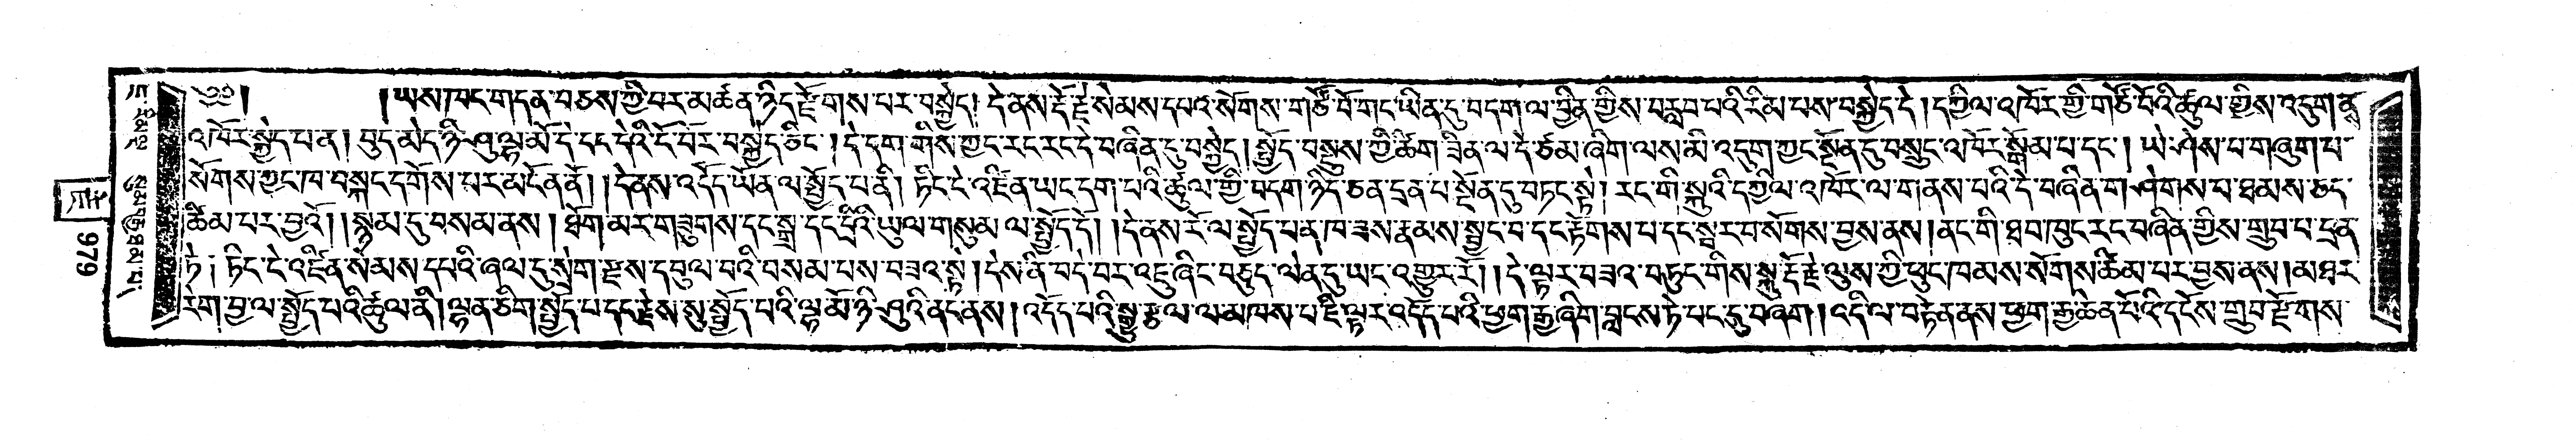༄༅། །ཡས་ཁང་གདན་བཅས་ཀྱི་བར་མཚན་ཉིད་རྫོགས་པར་བསྐྱེད། དེ་ནས་རྡོ་རྗེ་སེམས་དཔའ་སོགས་གཙོ་བོ་གང་ཡིན་དུ་བདག་ལ་བྱིན་གྱིས་བརླབ་པའི་རིམ་པས་བསྐྱེད་དེ། དཀྱིལ་འཁོར་གྱི་གཙོ་བོའི་ཚུལ་གྱིས་འདུག་ནས་
འཁོར་སྐྱེད་པ་ན། བུད་མེད་ཉི་ཤུ་ལྷ་མོ་དེ་དང་དེའི་ངོ་བོར་བསྐྱེད་ཅིང་། དེ་དག་གིས་ཀྱང་རང་རང་དེ་བཞིན་དུ་བསྐྱེད། སྤྱོད་བསྡུས་ཀྱི་ཚིག་ཟིན་ལ་དེ་ཙམ་ཞིག་ལས་མི་འདུག་ཀྱང་སྔོན་དུ་བསྲུང་འཁོར་སྒོམ་པ་དང་། ཡེ་ཤེས་པ་གཞུག་པ་
སོགས་ཀྱང་ཁ་བསྐང་དགོས་པར་མངོན་ནོ། །དེ་ནས་འདོད་ཡོན་ལ་སྤྱོད་པ་ནི། ཏིང་ངེ་འཛིན་ཡང་དག་པའི་ཚུལ་གྱི་བདག་ཉིད་ཅན་དྲན་པ་སྔོན་དུ་བཏང་སྟེ། རང་གི་སྐུའི་དཀྱིལ་འཁོར་ལ་གནས་པའི་དེ་བཞིན་གཤེགས་པ་ཐམས་ཅད་
ཚིམ་པར་བྱའོ། །སྙམ་དུ་བསམ་ནས། ཐོག་མར་གཟུགས་དང་སྒྲ་དང་དྲིའི་ཡུལ་གསུམ་ལ་སྤྱོད་དོ། །དེ་ནས་རོ་ལ་སྤྱོད་པ་ན་ཁ་ཟས་རྣམས་སྦྱང་བ་དང་རྟོགས་པ་དང་སྦར་བ་སོགས་བྱས་ནས། ནང་གི་ཐབ་ཁུང་རང་བཞིན་གྱིས་གྲུབ་པ་དྲན་
ཏེ། ཏིང་ངེ་འཛིན་སེམས་དཔའི་ཞལ་དུ་སྲེག་རྫས་དབུལ་བའི་བསམ་པས་བཟའ་སྟེ། དེས་ནི་བདེ་བར་འཇུ་ཞིང་བཅུད་ལེན་དུ་ཡང་འགྱུར་རོ། །དེ་ལྟར་བཟའ་བཏུང་གིས་སྐུ་རྡོ་རྗེ་ལུས་ཀྱི་ཕུང་ཁམས་སོགས་ཚིམ་པར་བྱས་ནས། མཐར་
རེག་བྱ་ལ་སྤྱོད་པའི་ཚུལ་ནི། ལྷན་ཅིག་སྤྱོད་པ་དང་རྗེས་སུ་སྤྱོད་པའི་ལྷ་མོ་ཉི་ཤུའི་ནང་ནས། འདོད་པའི་སྒྱུ་རྩལ་ལ་མཁས་པ་ཇི་ལྟར་འདོད་པའི་ཕྱག་རྒྱ་ཞིག་བླངས་ཏེ་པང་དུ་བཞག །འདི་ལ་བརྟེན་ནས་ཕྱག་རྒྱ་ཆེན་པོའི་དངོས་གྲུབ་རྫོགས་